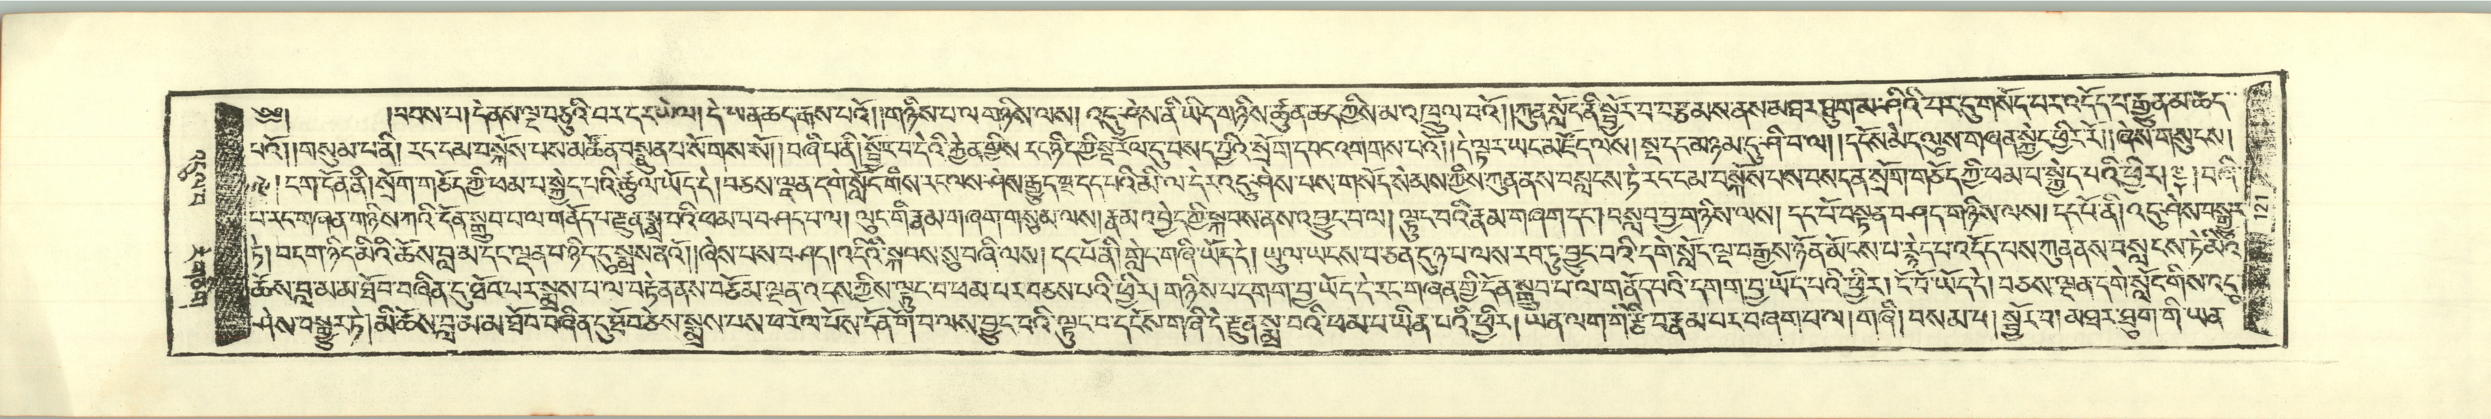༄༅། །བབས་པ། དེ་ནས་ལྔ་བཅུའི་བར་དར་ཡེལ། དེ་ཡན་ཆད་རྒས་པའོ། །གཉིས་པ་ལ་གཉིས་ལས། འདུ་ཤེས་ནི་ཡིད་གཉིས་ཚུན་ཆད་ཀྱིས་མ་འཁྲུལ་བའོ། །ཀུན་སློང་ནི་སྦྱོར་བ་བརྩམས་ནས་མཐར་ཐུག་མ་ཤིའི་བར་དུ་གསོད་པར་འདོད་པ་རྒྱུན་མ་ཆད་
པའོ། །གསུམ་པ་ནི། རང་ངམ་བསྐོས་པས་མཚོན་བསླུན་པ་སོགས་སོ། །བཞི་པ་ནི། སྦྱོར་བ་དེའི་རྐྱེན་གྱིས་རང་ཉིད་ཀྱི་སྔ་རོལ་དུ་བསད་བྱའི་སྲོག་དབང་འགགས་པའོ། །དེ་ལྟར་ཡང་མཛོད་ལས། སྔ་དང་མཉམ་དུ་ཤི་བ་ལ། །དངོས་མེད་ལུས་གཞན་སྐྱེད་ཕྱིར་རོ། །ཞེས་གསུངས།
ངག་དོན་ནི། སྲོག་གཅོད་ཀྱི་ཕམ་པ་སྐྱེད་པའི་ཚུལ་ཡོད་དེ། བཅས་ལྡན་དགེ་སློང་གིས་རང་ལས་ཤེས་རྒྱུད་ཐ་དད་པའི་མི་ལ་དེར་འདུ་ཤེས་པས་གསོད་སེམས་ཀྱིས་ཀུན་ནས་བསླངས་ཏེ་རང་ངམ་བསྐོས་པས་བསད་ན་སྲོག་གཅོད་ཀྱི་ཕམ་པ་སྐྱེད་པའི་ཕྱིར། ༈།བཞི་
པ་རང་གཞན་གཉིས་ཀའི་དོན་སྒྲུབ་པ་ལ་གནོད་པ་རྫུན་སྨྲ་བའི་ཕམ་པ་བཤད་པ་ལ། ལུང་གི་རྣམ་གཞག་གསུམ་ལས། རྣམ་འབྱེད་ཀྱི་སྐབས་ནས་འབྱུང་བ་ལ། ལྟུང་བའི་རྣམ་གཞག་དང་། བསླབ་བྱ་གཉིས་ལས། དང་པོ་བསྟན་བཤད་གཉིས་ལས། དང་པོ་ནི། འདུ་ཤེས་བསྒྱུར་
ཏེ་བདག་ཉིད་མིའི་ཆོས་བླ་མ་དང་ལྡན་པ་ཉིད་དུ་སྨྲས་ནའོ། །ཞེས་པས་བཤད། འདིའི་སྐབས་སུ་བཞི་ལས། དང་པོ་ནི། གླེང་གཞི་ཡོད་དེ། ཡུལ་ཡངས་པ་ཅན་དུ་ཉ་པ་ལས་རབ་ཏུ་བྱུང་བའི་དགེ་སློང་ལྔ་བརྒྱས་ཉོན་མོངས་པ་རྙེད་པ་འདོད་པས་ཀུན་ནས་བསླངས་ཏེ་མའི་
ཆོས་བླ་མ་མ་ཐོབ་བཞིན་དུ་ཐོབ་པར་སྨྲས་པ་ལ་བརྟེན་ནས་བཅོམ་ལྡན་འདས་ཀྱིས་ལྟུང་བ་ཕམ་པར་བཅས་པའི་ཕྱིར། གཉིས་པ་དགག་བྱ་ཡོད་དེ་རང་གཞན་གྱི་དོན་སྒྲུབ་པ་ལ་གནོད་པའི་དགག་བྱ་ཡོད་པའི་ཕྱིར། ངོ་བོ་ཡོད་དེ། བཅས་ལྡན་དགེ་སློང་གིས་འདུ་
ཤེས་བསྒྱུར་ཏེ། མི་ཆོས་བླ་མ་མ་ཐོབ་བཞིན་དུ་ཐོབ་ཅེས་སྨྲས་པས་ཕ་རོལ་པོས་དོན་གོ་བ་ལས་བྱུང་བའི་ལྟུང་བ་དངོས་གཞི་དེ་རྫུན་སྨྲ་བའི་ཕམ་པ་ཡིན་པའི་ཕྱིར། ཡན་ལག་གི་རྩི་བ་རྣམ་པར་བཞག་པ་ལ། གཞི། བསམ་པ། སྦྱོར་བ། མཐར་ཐུག་གི་ཡན་